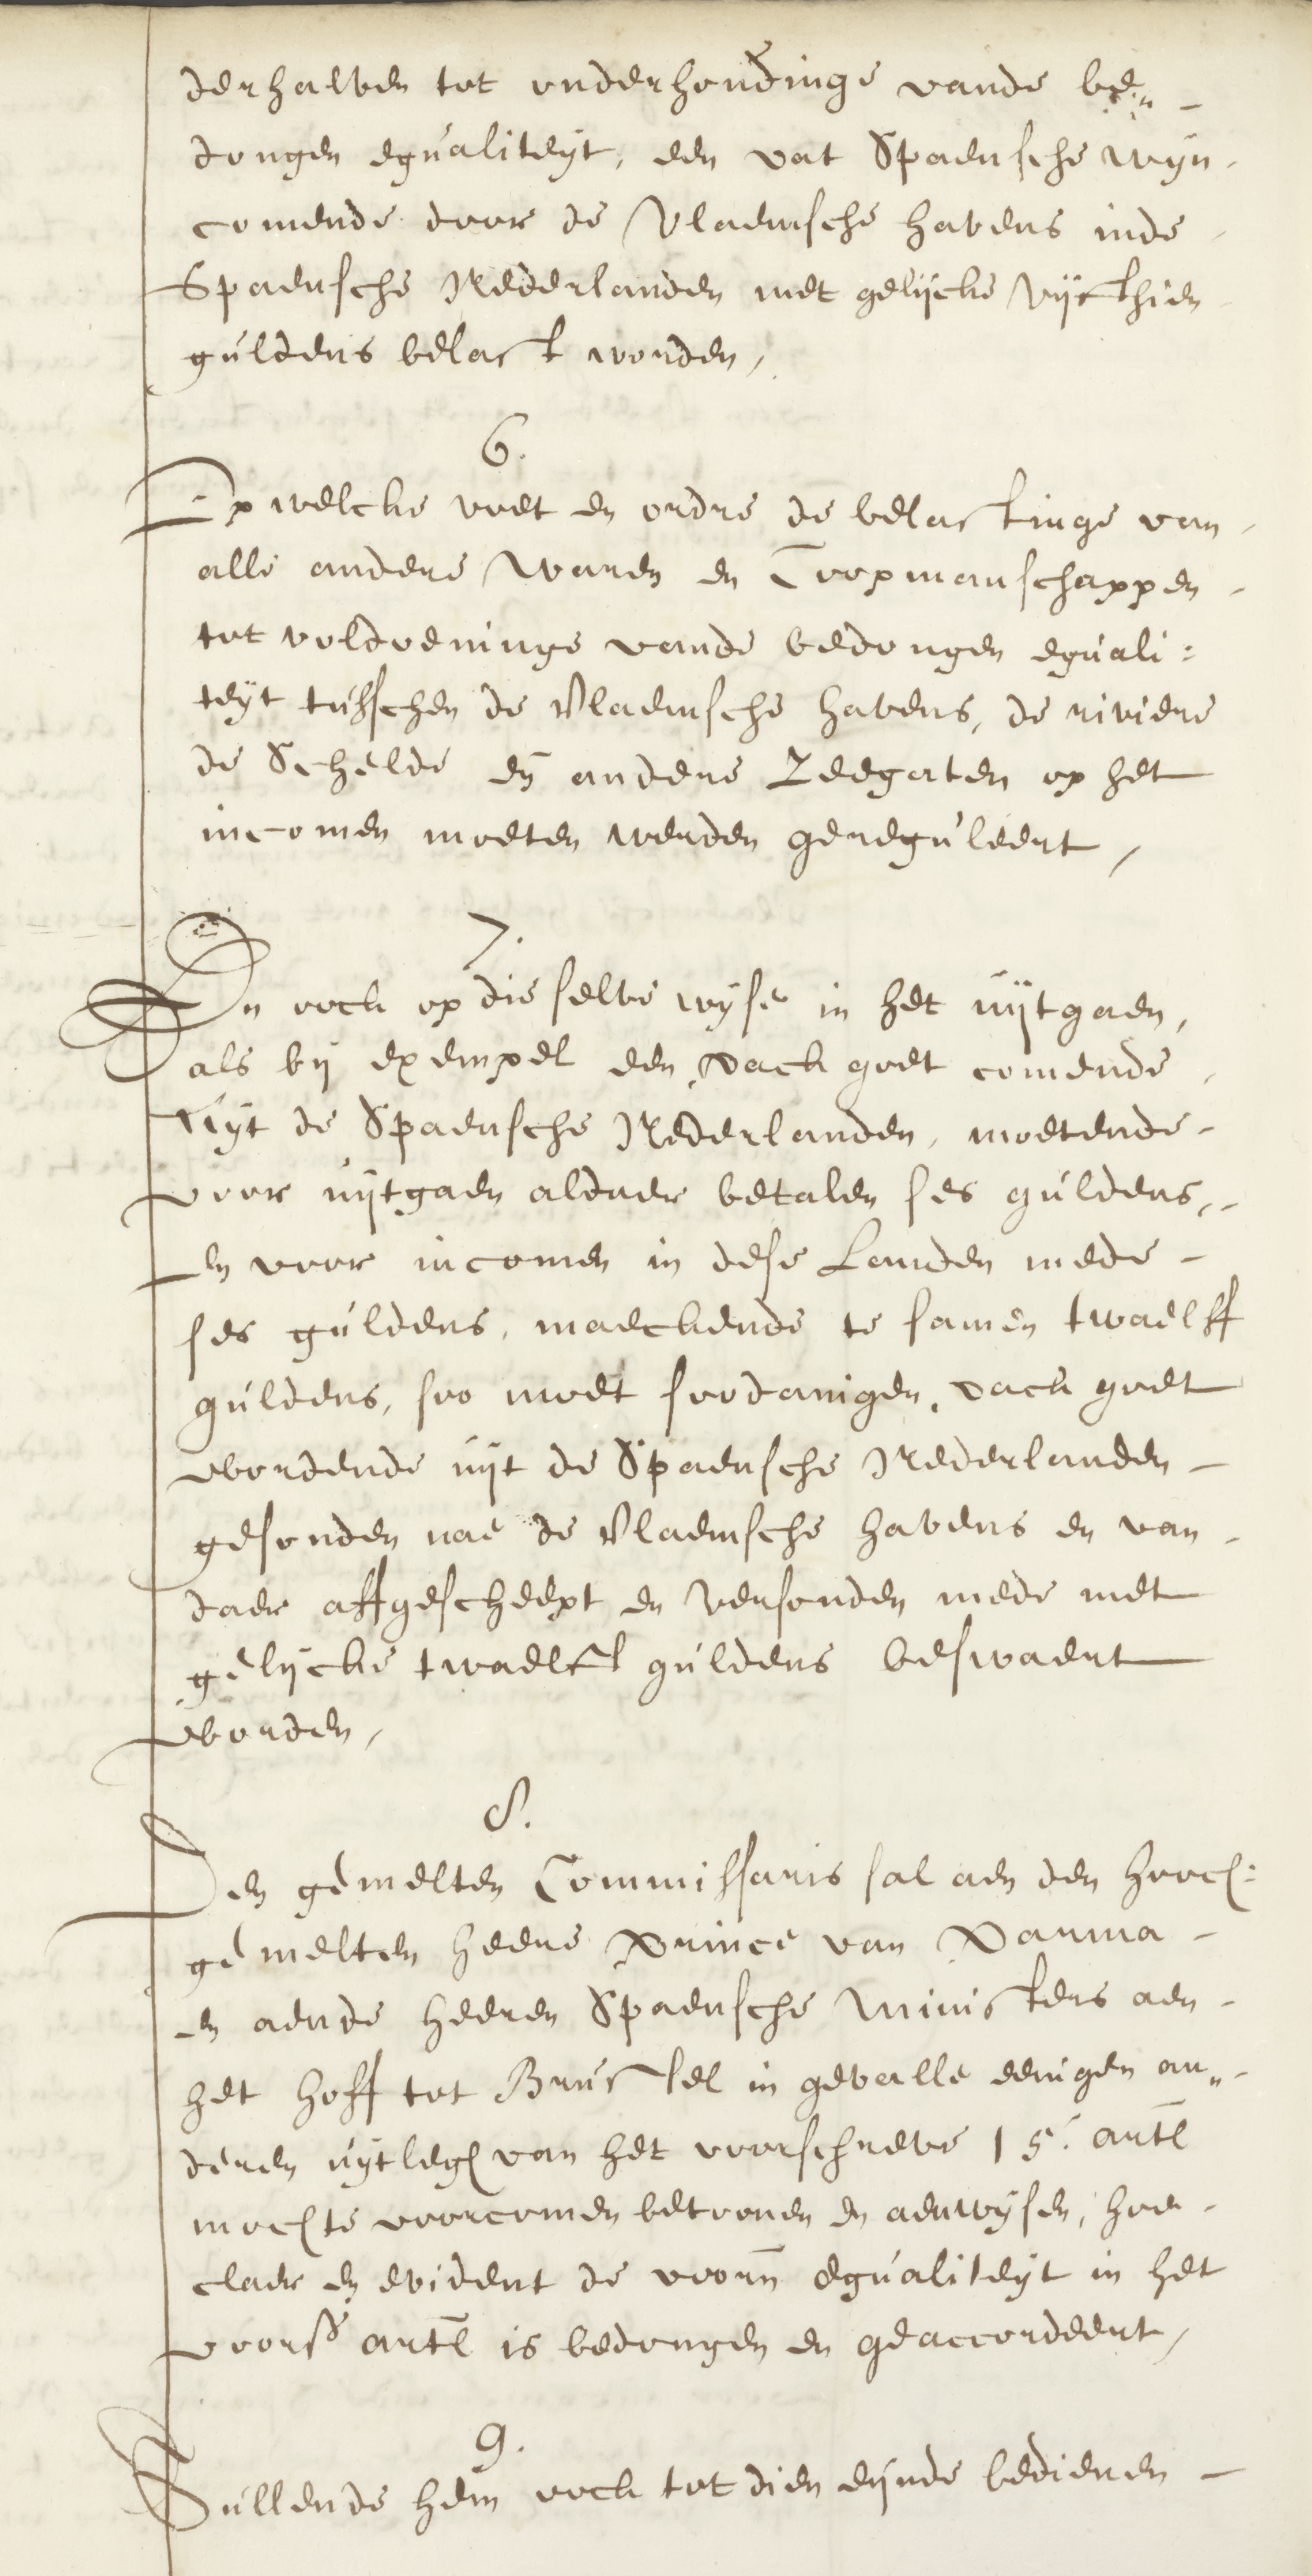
derhalven tot onderhoudinge vande be„
dongen egualiteijt, een vat Spaensche wijn,
comende door de Vlaemsche havens inde
Spaensche Nederlanden met gelijcke vijfthien
guldens belast worden.
6.
Op welcke voet en ordre de belastinge van
alle andere waren en Coopmanschappen
tot voldoeninge vande bedongen eguali:
teijt tusschen de Vlaemsche havens, de riviere
de Schelde en andere Zeegaten op het
incomen moeten werden gereguleert.
7.
En oock op die selve wijse in het uijtgaen,
als bij exempel een pack goet comende
Uijt de Spaensche Nederlanden, moetende
voor uijtgaen aldaer betalen ses guldens,
en voor incomen in dese Landen mede -
ses guldens, maeckende te samen twaelff
guldens, soo moet soodanigen pack goet
wordende uijt de Spaensche Nederlanden
gesonden nae de Vlaemsche havens en van
daer affgescheept en versouden mede met
gelijcke twaelff guldens beswaert
worden.
8.
Den gemelten Commissaris sal aen den hooch=
gemelten heere Prince van Parma -
en aende heeren Spaensche Ministers aen
het hoff tot Brussel in gevalle eenigen an„
deren uijtlegh van het voorschreve 15e. artl
mochte voorcomen betoonen en aenwijsen, hoe
claer en evident de voorn egualiteijt in het
voors artl is bedongen en geaccordeert.
9.
Sullende hem oock tot dien eijnde bedienen
